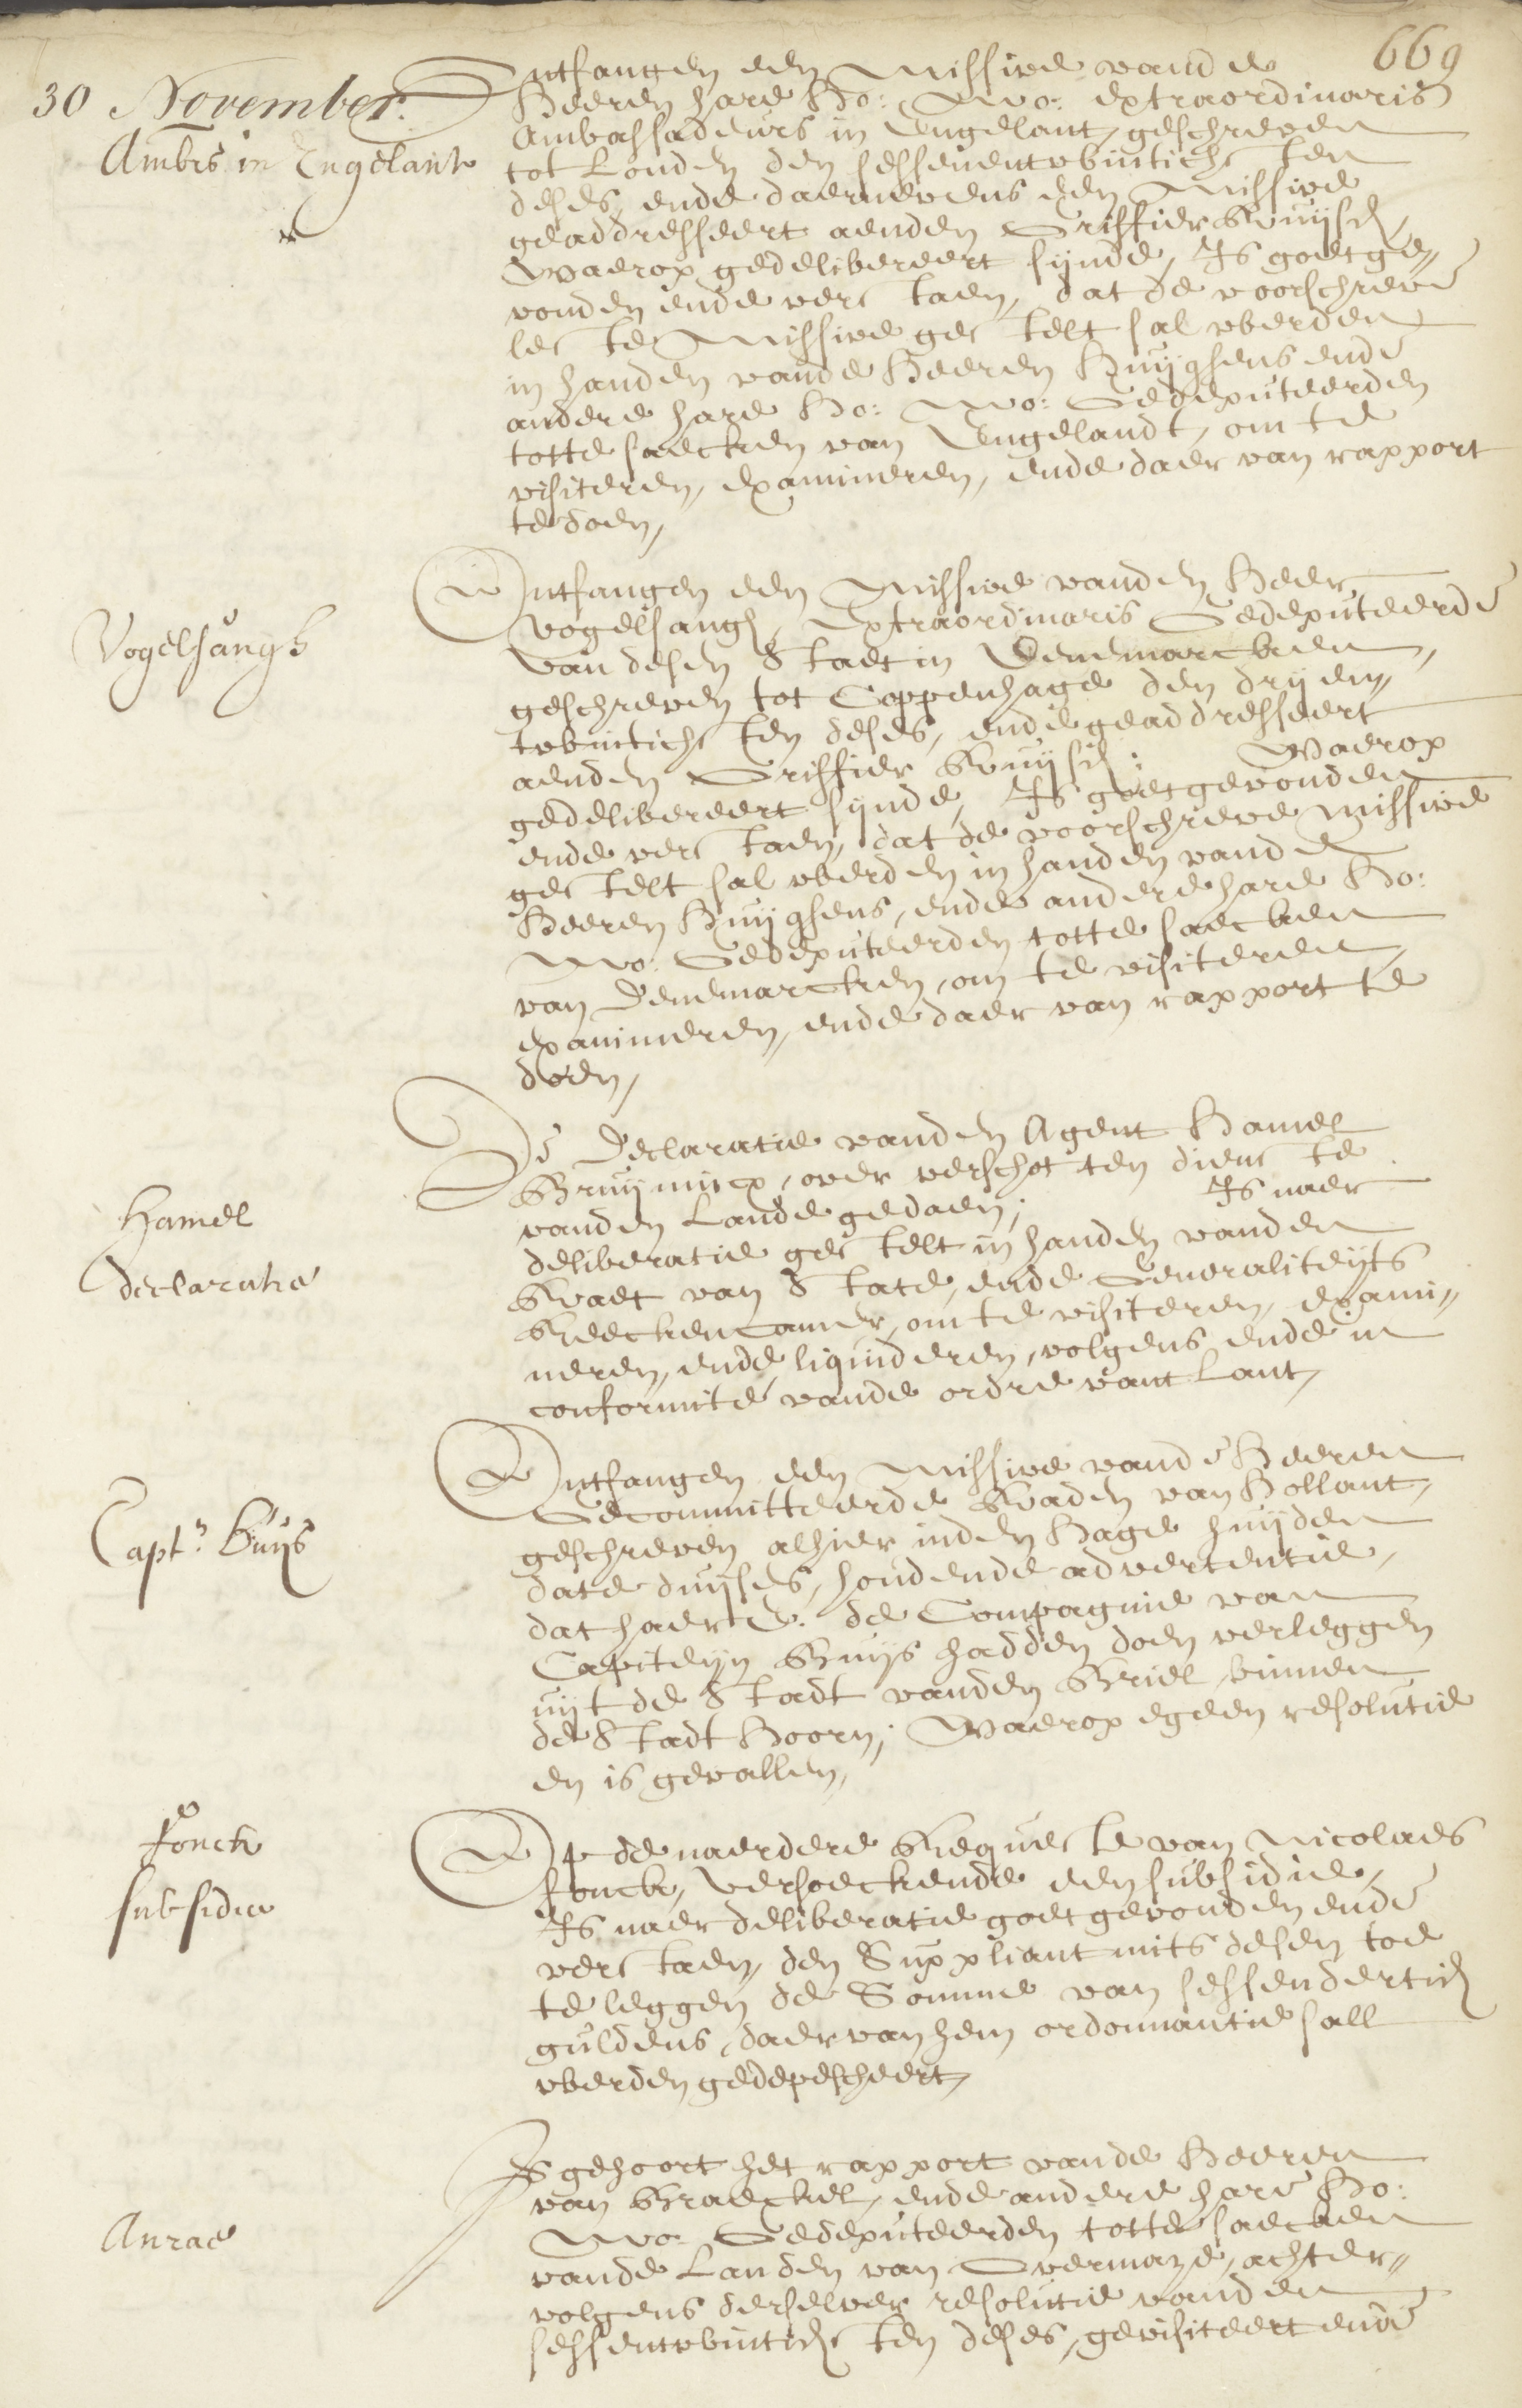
669
30 November.
Ambrs. in Engelant
Ontfangen een Missive vande
Heeren hare Ho:Mo: extraordinaris
Ambassadeurs in Engelant, geschreven
tot Londen den sessenentwintichsten
deses, ende daernevens een Missive
geaddresseert aenden Griffier Ruijsch.
Waerop gedelibereert sijnde, Is goetge„
vonden ende verstaen, dat de voorschreve
leste Missive gestelt sal werden
in handen vande Heeren Huijghens ende
andere hare Ho:Mo: Gedeputeerden
totte saecken van Engelandt, om te
visiteren, examineren, ende daer van rapport
te doen.
Vogelsangh
Ontfangen een Missive vanden Heer
vogelsangh Extraordinaris Gedeputeerde
van desen Staet in Denemarcken,
geschreven tot Coppenhage den drijen„
twintichsten deses, ende geaddresseert
aenden Griffier Ruijsch: Waerop
gedelibereert sijnde, Is goetgevonden
ende verstaen, dat de voorschreve missive
gestelt sal werden in handen vande
Heeren Huijghens, ende andere hare Ho:
Mo: Gedeputeerden totte saecken
van Denemarcken, om te visiteren,
examineren, ende daer van rapport te
doen.
Hamel
declaratie
De Declaratie vanden Agent Hamel
Bruijnincx, over verschot ten dienste
vanden Lande gedaen; Is naer
deliberatie gestelt in handen vanden
Raet van State, ende Generaliteijts
Reeckencamer, om te visiteren, exami„
neren, ende liquideren, volgens ende in
conformité vande ordre vant Lant.
Captn. Buijs
Ontfangen, een Missive vande Heeren
Gecommitteerde Raden van Hollant,
geschreven alhier inden Hage huijden
date duijses, houdende advertentie,
dat haer E. de Compagnie van
Capiteijn Buijs hadden doen verleggen
uijt de Stadt vanden Briel, binnen
de Stadt Hoorn; Waerop egeen resolutie
en is gevallen.
Fonck
subsidie
Opde naerdere Requeste van Nicolaes
Fonck, versoeckende een subsidie,
Is naer deliberatie goetgevonden ende
verstaen, den Suppliant mits desen toe
te leggen de Somme van sessendertich
guldens, daervan hem ordonnantie sall
werden gedepescheert.
Anrae
Is gehoort het rapport vande Heeren
van Braeckel, ende andere hare Ho:
Mo: Gedeputeerden totte saecken
vande Landen van Overmaze, achter„
volgens derselver resolutie vanden
sessentwintichsten deses, gevisiteert ende
